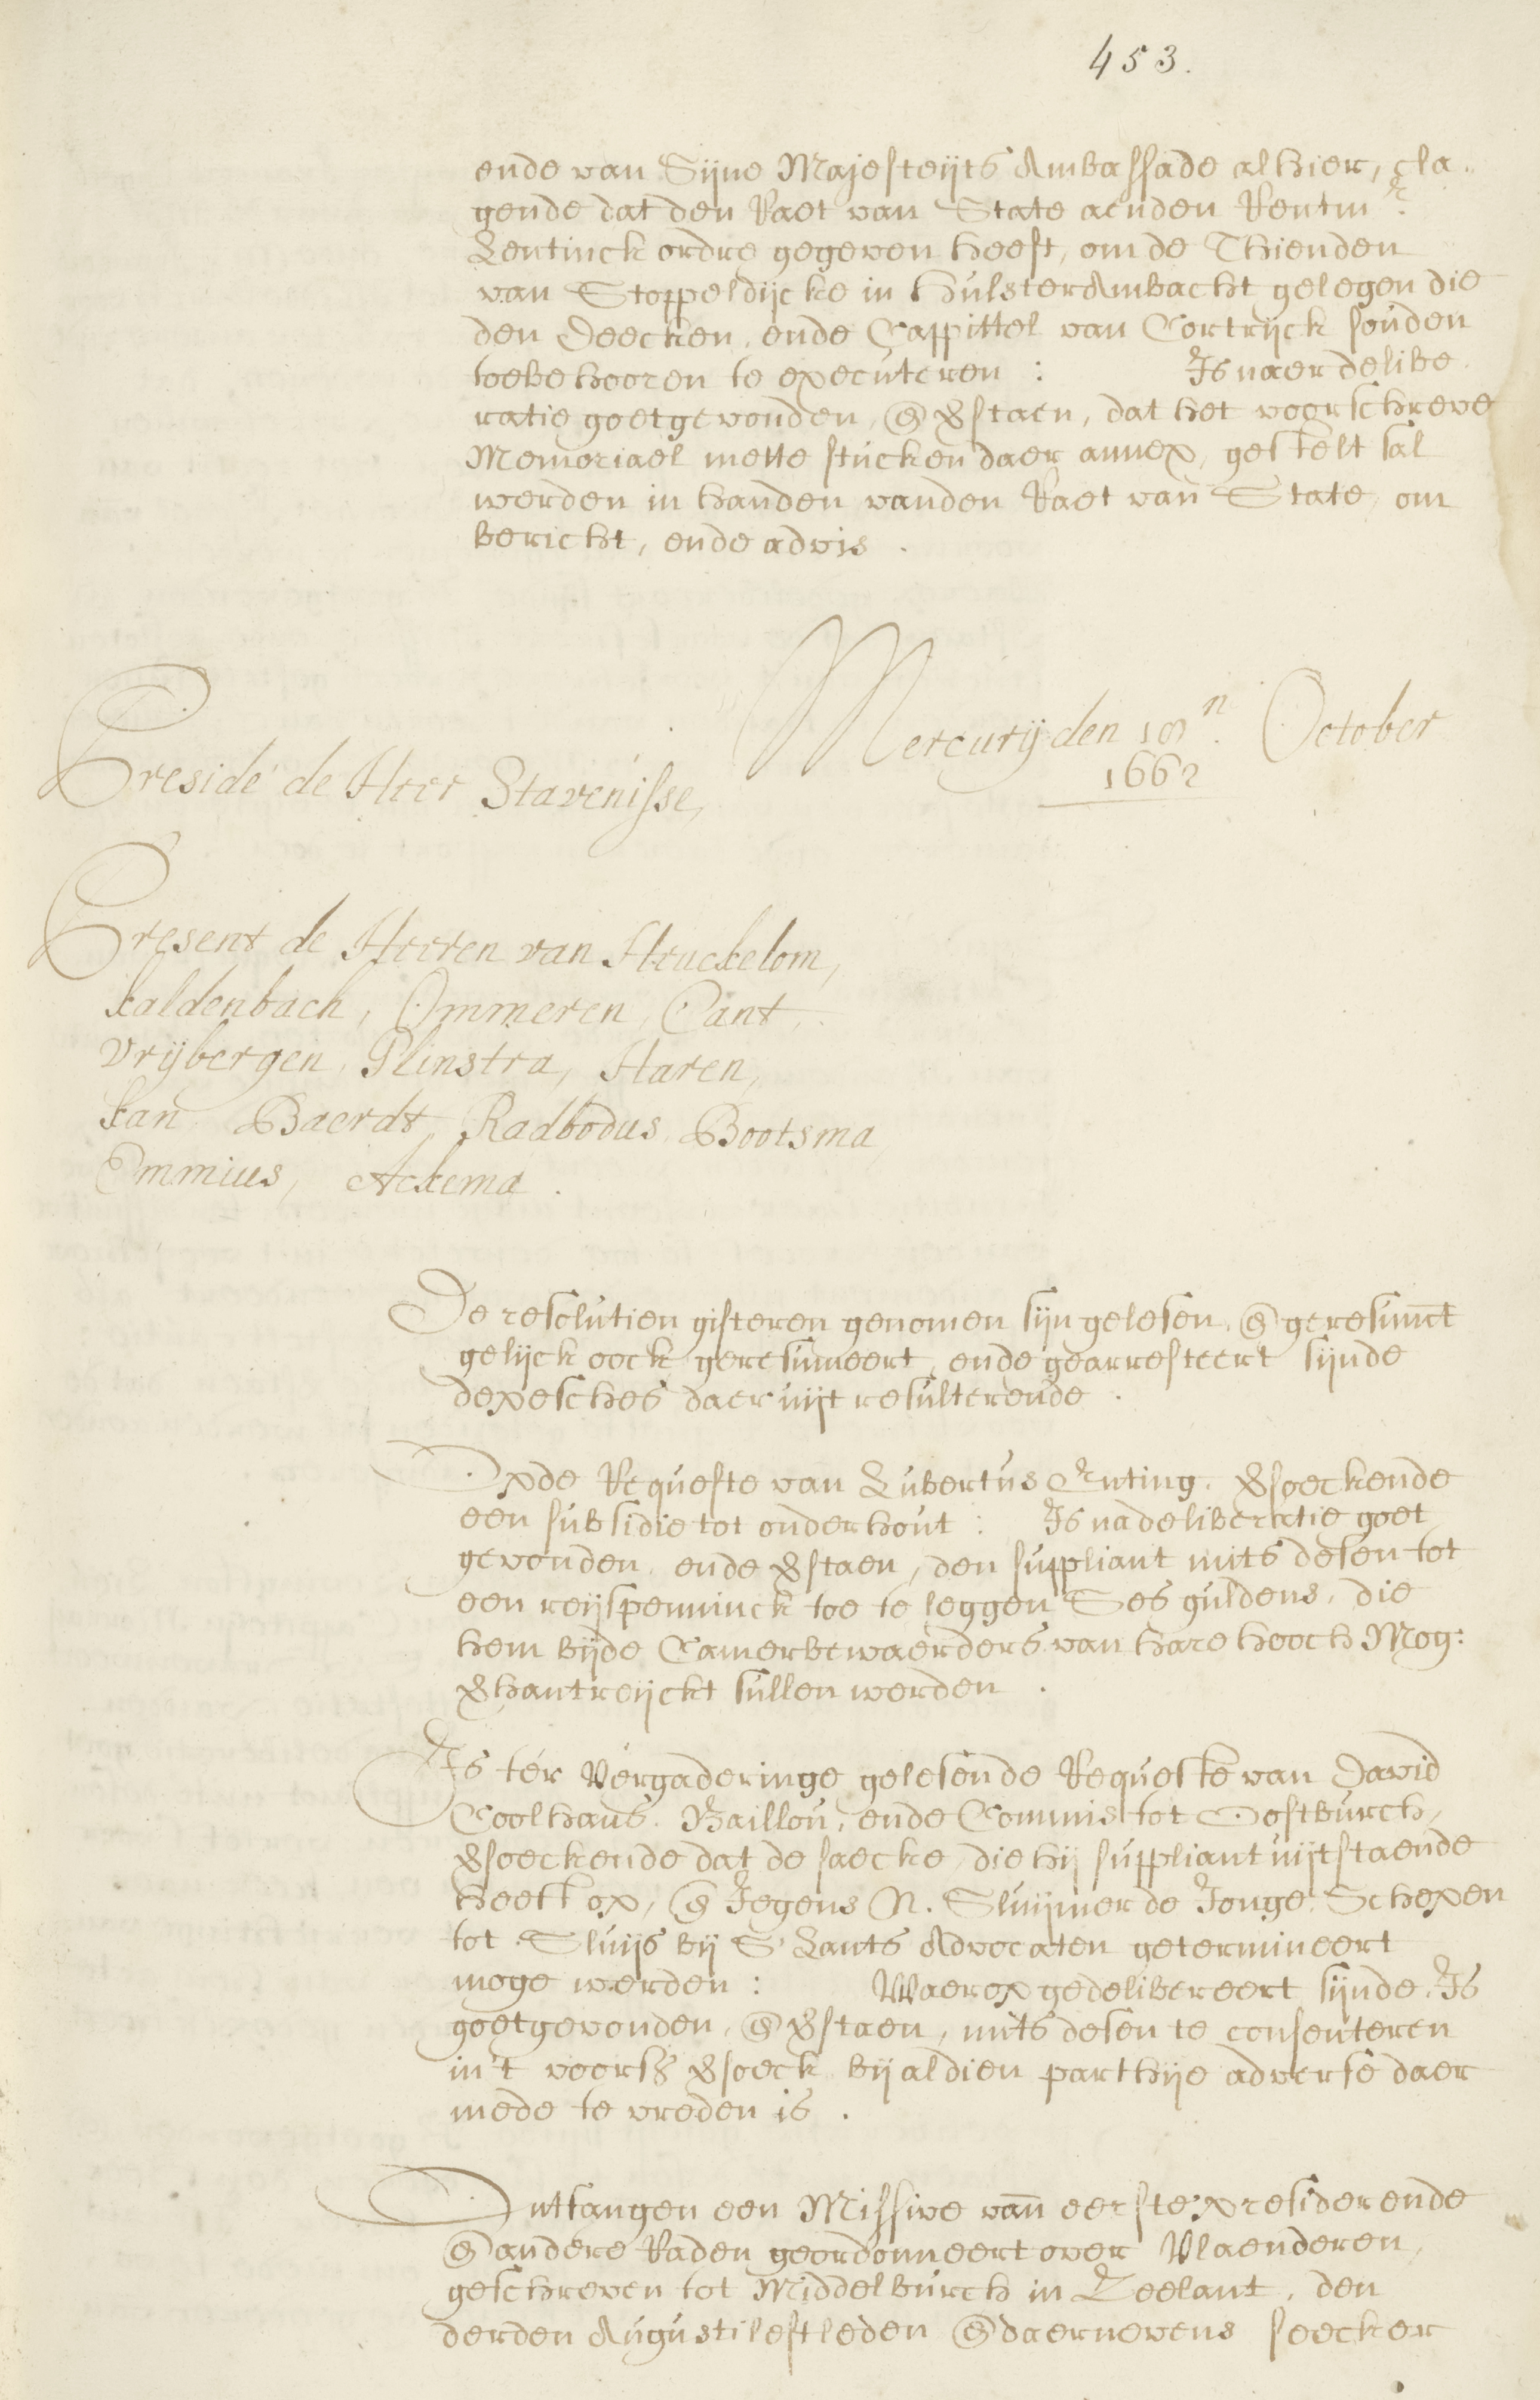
453.
ende van Sijne Majesteijts Ambassade alhier, cla,,
gende dat den Raet van State aenden Rentmr,
Lentinck ordre gegeven heeft, om de Thienden
van Stoppeldijcke in Hulsterdambacht gelegen die
den Deecken, ende Cappittel van Cortrijck souden
toebehooren te executeren: Is naer delibe„
ratie goetgevonden, & vstaen, dat het voorschreve
Memoriael mette stucken daer annex, gestelt sal
werden in handen vanden Raet van State, om
bericht, ende advis
Mercurij den 18n October
1662
Preside de Heer Stavenisse,
Present de Heeren van Heuckelom,
Kaldenbach, Ommeren, Cant,
Vrijbergen, Plinstra, Haren,
kan Baerdt, Radbodus, Bootsma
Ommius, Ackema
De resolutien gisteren genomen sijn gelesen, & geresumt
gelijck oock geresumeert, ende gearresteert sijn de
depesches daer uijt resulterende
Opde Requeste van Lubertus Enting, vsoeckende
een subsidie tot onderhout: is na deliberatie goet
gevonden, ende vstaen, den suppliant mits desen tot
een reijspenninck toe te leggen Ses guldens, die
hem bijde Camerbewaerders van hare hooch Mog:
vhantreijckt sullen werden
Is ter Vergaderinge gelesende Requeste van David
Coolhans, Baillou, ende Commis tot Oostburch,
vsoeckende dat de saecke, die hij suppliant uijtstaende
heeft op, & Jegens N. Sluijmer de Jonge Schepen
tot Sluijs bij S'Lants Advocaten getermineert
moge werden: Waerop gedelibereert sijnde, Is
goetgevonden, & vstaen, mits desen te consenteren
in't voors vsoeck bij aldien parthije adverse daer
mede te vreden is
Ontfangen een Missive van eerste presiderende
& andere Raden geordonneert over Vlaenderen,
geschreven tot Middelburch in Zeelant, den
derden Augusti lestleden & daernevens seecker
